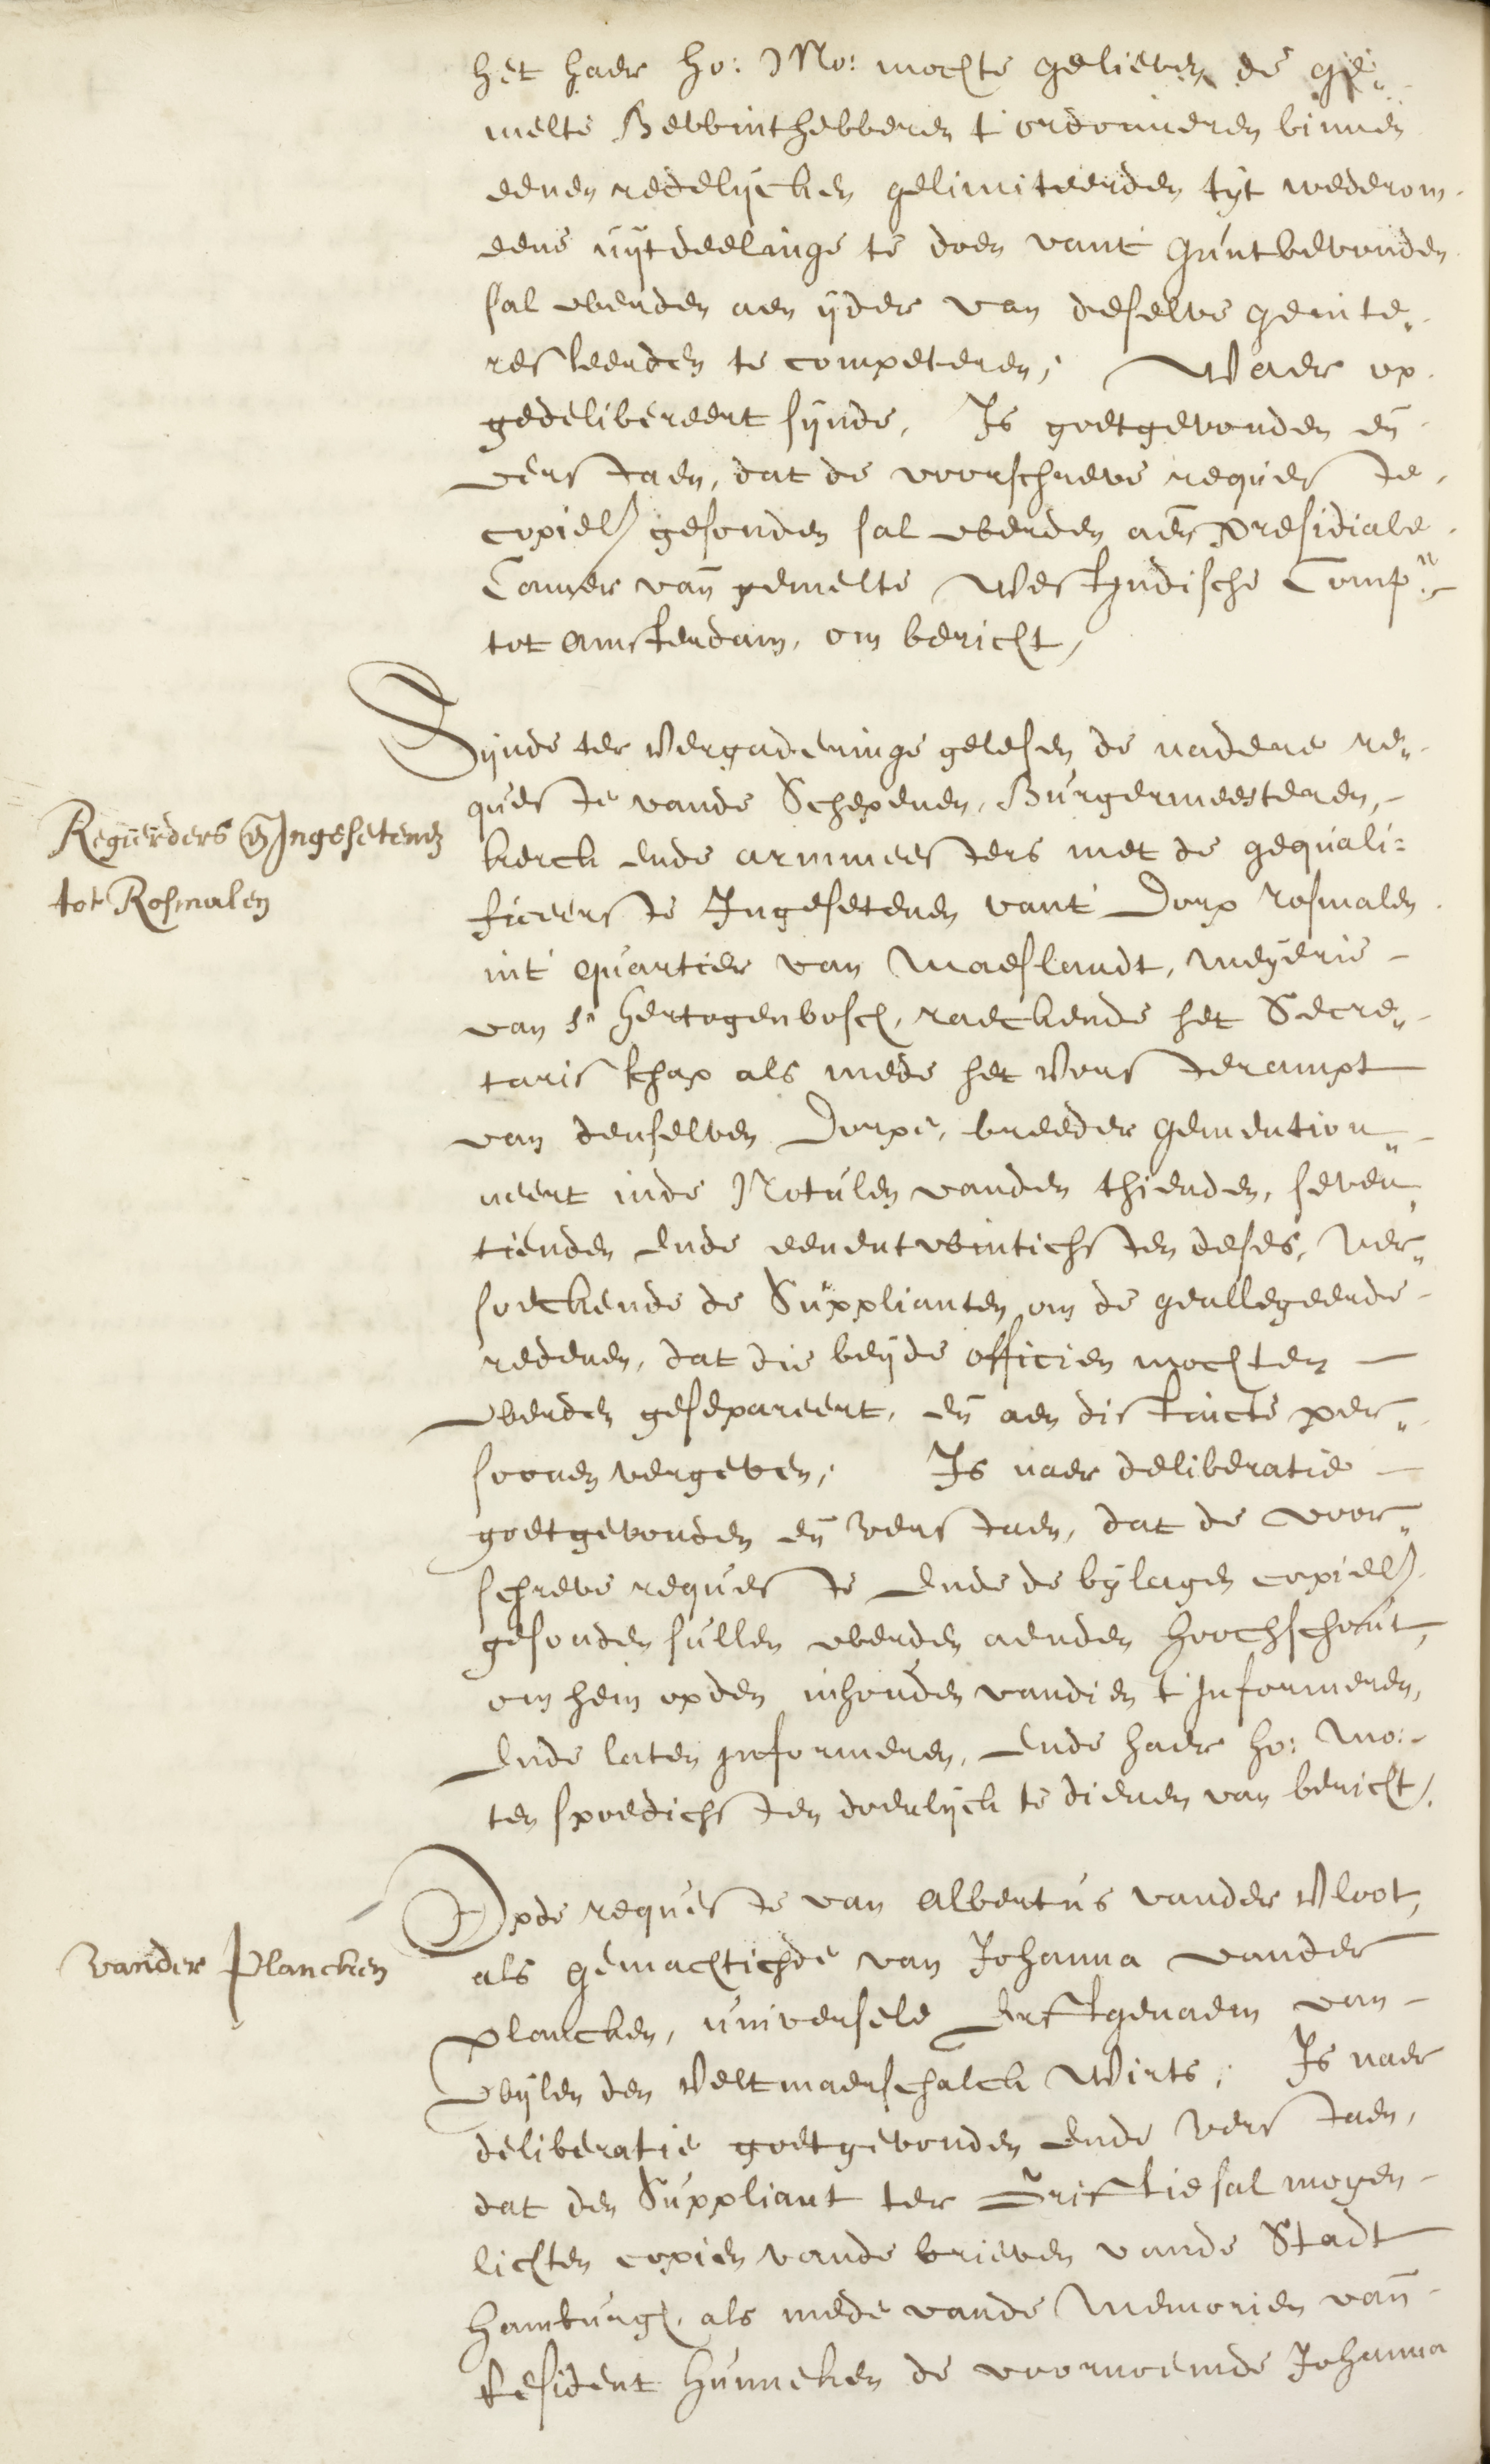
het haer Ho:Mo: mochte gelieven de ge„
melte Bewinthebberen t'ordonneren binnen
eenen redelijcken gelimiteerden tijt wederom
eene uijtdeelinge te doen vant‛ gunt bevonden
sal werden aen ijder van deselve geinte„
resseerden te competeren; Waer op
gedelibereert sijnde, Is goetgevonden en
verstaen, dat de voorschreve requeste
copiel gesonden sal werden aen presidiale
Camer van gemelte Westindische Compe.
tot Amsterdam, om bericht.
Regierders & Ingesetenen
tot Rosmalen
Sijnde ter Vergaderinge gelesen de nadere re„
queste vande Schepenen, Burgermeesteren,
kerck ende armmeesters met de gequali=
ficeerste Ingesetenen vant‛ Dorp Rosmalen
int' quartier van Maeslandt, Meijerie
van s' Hertogenbosch, raeckende het Secre„
tarisschap als mede het Versterampt
van denselven Dorpe, breeder gemention„
neert inde Notulen vanden thienden, seven
tienden ende eenentwintichsten deses, ver„
soeckende de Supplianten om de geallegeerde
redenen, dat die beijde officien mochten
werden gesepareert, en aen distincte per„
soonen vergeven; Is naer deliberatie
goetgevonden en verstaen, dat de voor„
schreve requeste ende de bijlagen copiel
gesonden sullen werden aenden hoochschout,
om hem opden inhouden vandien t' informeren,
ende laten informeren, ende haer Ho:Mo:
ten spoedichsten doenlijck te dienen van bericht.
vander Plancken
Opde requeste van Albertus vander Vloot,
als gemachtichde van Johanna vander
Plancken, universele Erffgenaem van -
wijlen den Veltmaerschalck Wirts; Is naer
deliberatie goetgevonden ende verstaen,
dat den Suppliant ter Griffie sal mogen
lichten copien vande brieven vande Stadt
Hamburgh, als mede vande memorien van
Resident Hunneken de voornoemde Johanna
